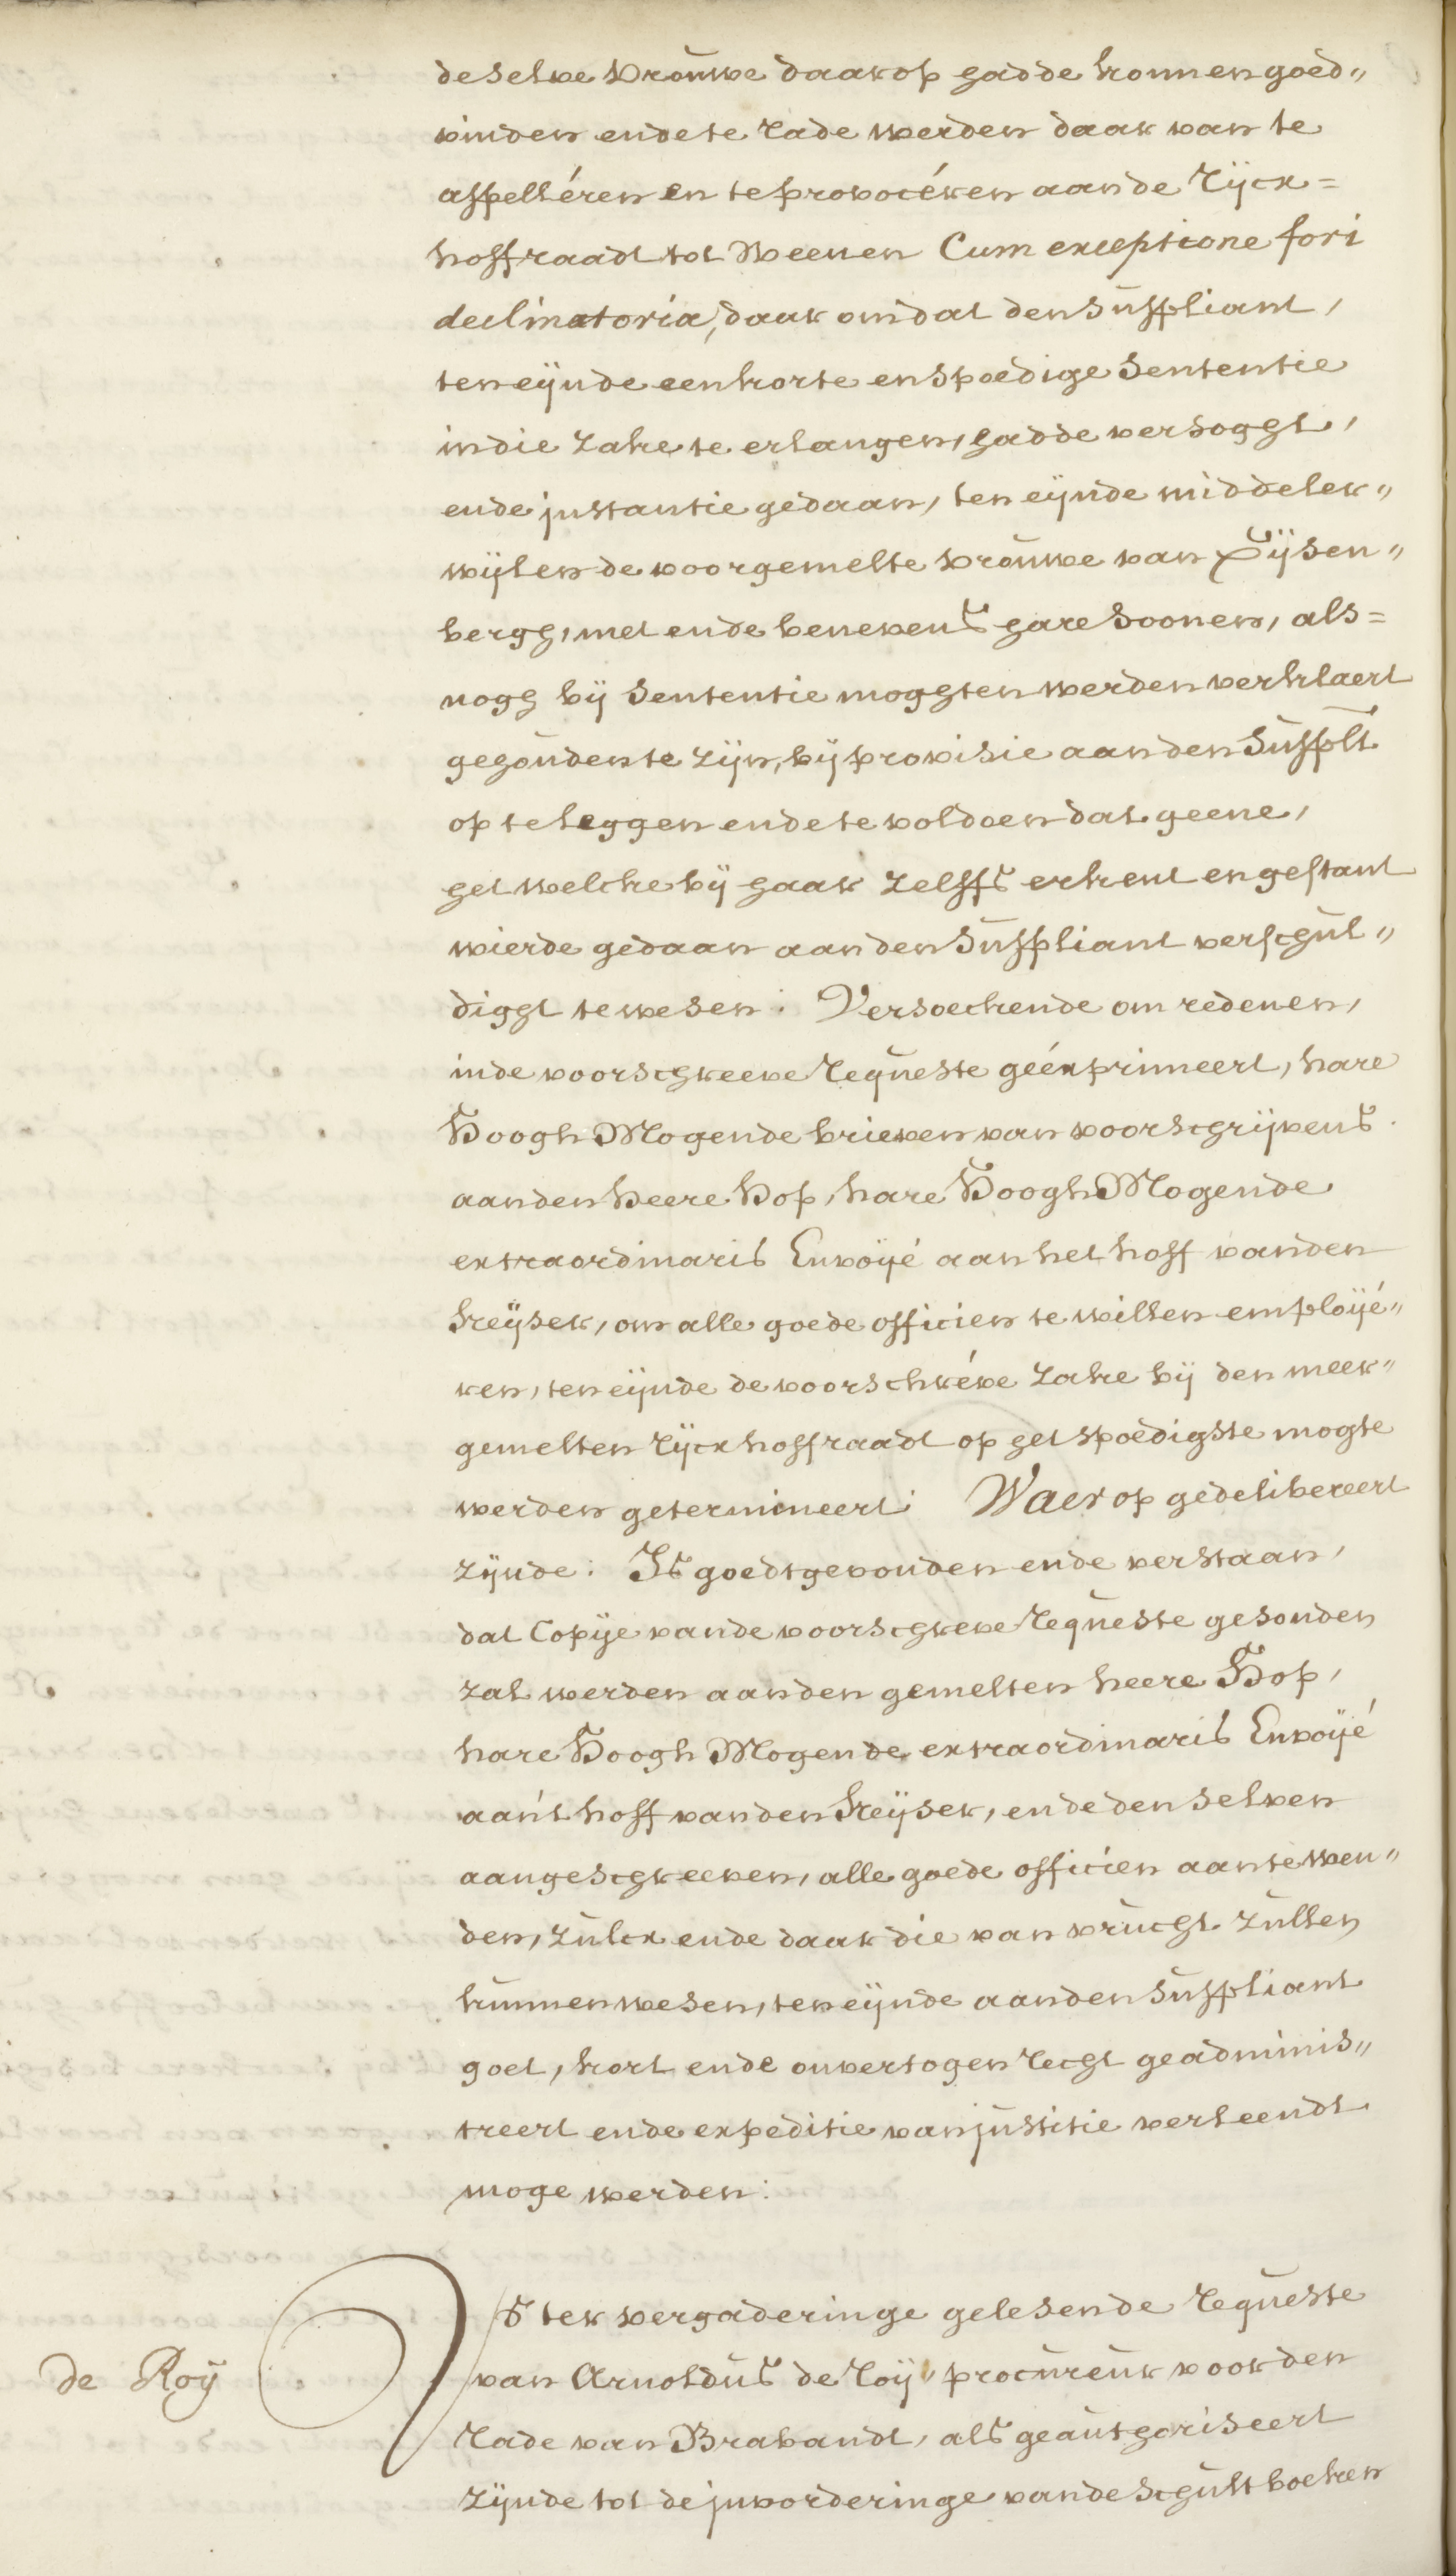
deselve Vrouwe daarop hadde konnen goed„
vinden ende te rade werden daar van te
appelleren en te provoceren aan de Rijcx„
hoffraadt tot Weenen Cum exceptione fori
declinatoria, daar omdat den suppliant,
teneijnde een korte en spoedige sententie
indie zake te erlangen, hadde versoght,
ende instantie gedaan, ten eijnde middeler„
wijlen de voorgemelte Vrouwe van Gijsen„
bergh, met ende benevens hare soonen, als„
nogh bij sententie moghten werden verklaert
gehouden te zijn, bij provisie aan den Supplt
op te leggen ende te voldoen dat geene,
het welcke bij haar zelffs erkent en gestant
wierde gedaan aan den suppliant verschul„
dight te wesen. Versoeckende om redenen,
inde voorschreeve requeste geéxprimeert, hare
Hoogh Mogende brieven van voorschrijvens
aan den heere Hop, hare Hoogh Mogende
extraordinaris Envoijé aan het hoff vanden
keijser, om alle goede officien te willen emploijé„
ren, ten eijnde de voorschreve zake bij den meer„
gemelten rijcxhoffraadt op het spoedigste mogte
werden getermineert. Waer op gedelibereert
zijnde: Is goedtgevonden ende verstaan,
dat Copije vande voorschreve requeste gesonden
zal werden aan den gemelten heere Hop,
hare Hoogh Mogende extraordinaris Envoijé
aan 't hoff van den Keijser, ende denselven
aangeschreeven, alle goede officien aan te wen„
den, zulcx ende daar die van vrucht zullen
kunnen wesen, ten eijnde aanden suppliant
goet, kort ende onvertogen recht geadminis„
treert ende expeditie van justitie verleendt
moge werden:
de Roij
Is ter vergaderinge gelesen de requeste
van Arnoldus de Roij, procureur voor den
Rade van Brabandt, als geautoriseert
zijnde tot de invorderinge vande schultboeken
